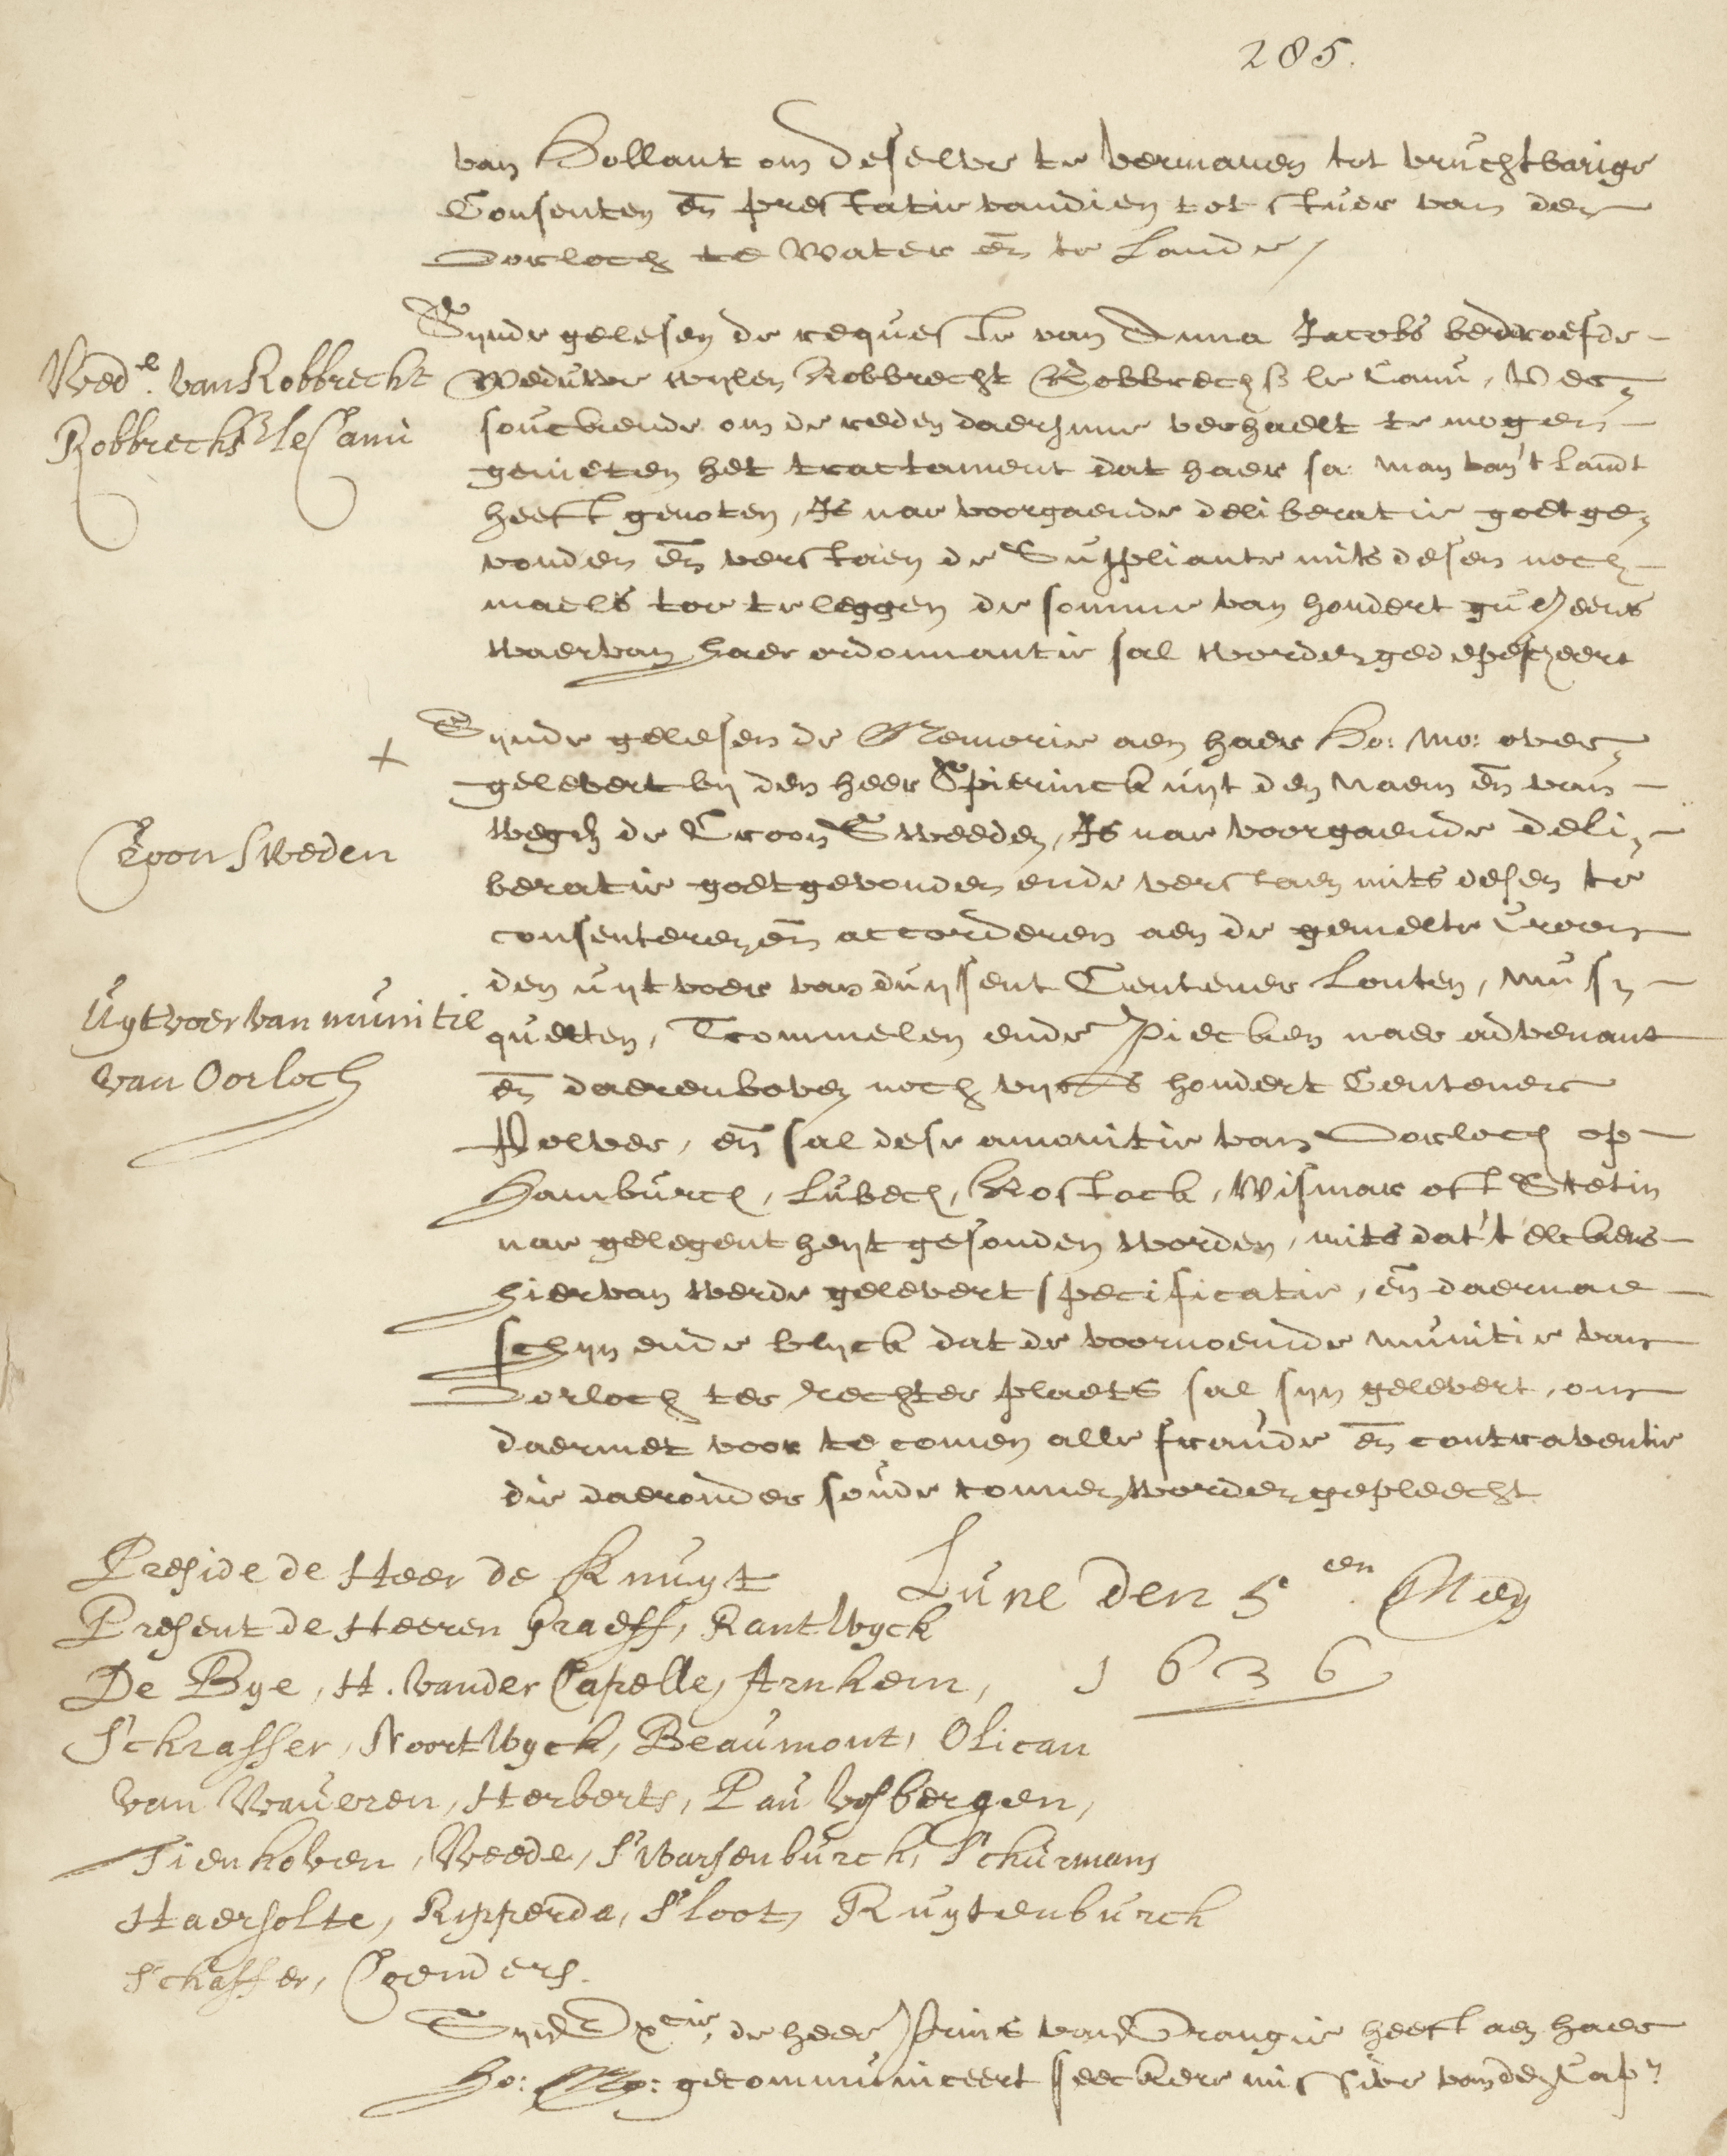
285.
van Hollant om deselve te vermanen tot vruchtbarige
Consenten en prestatie vandien tot stuer van der
Oorloch te water en te Lande
Wede. van Robbrecht
Robbrechs le Canu
Synde gelesen de requeste van Anna Jacobs bedroefde -
Weduwe wylen Robbrecht Robbrechts le Canu, Ver„
souckende om de reden daerinne verhaelt te mogen
genieten het tractament dat haer sa. man van ‛t Landt
heeft genoten, Is nae voorgaende deliberatie goetge„
vonden en verstaen de Suppliante mits desen noch
maels toe te leggen de somme van hondert gul eens
waervan haer ordonnantie sal worden gedepescheert
Croon Sweden
Uytvoer van munitie
van Oorloch
Synde gelesen de Memorie aen haer Ho:Mo: over„
gelevert by den heer Spierinck uyt den naem en van
wegen de Croon Sweeden. Is nae voorgaende deli„
beratie goetgevonden ende verstaen mits desen te
consenteren en accorderen aen de gemelte Croon
den uytvoer van duysent Centener Lonten, mus„
quetten, Trommelen ende Piecken nae advenant
en daerenboven noch vyff hondert Centener
Polver, en sal dese amonitie van Oorloch op
Hamburch, Lubech, Rostock, Wismar off Stetin
nae gelegentheyt gesonden worden, mits dat 't elckens
hiervan werde gelevert specificatie, en daernae
schyn ende blyck dat de voornoemde munitie van
Oorloch ter rechter plaets sal syn gelevert, om
daermet voor te comen alle fraude en contraventie
die daeronder soude connen worden gepleecht.
Lune den 5en. Mey
1636
Preside de Heer de Knuyt
Present de Heeren Graeff, Rantwyck
De Bye, H. vander Capelle, Arnhem,
Schrasser, Noortwyck, Beaumont, Olican
van Waueren, Herberts, Pau, Vosbergen,
Tienhoven, Weede, Swarsenburch, Schurman,
Haersolte, Ripperda, Sloot, Ruytenburch
Schaffer, Coenders.
Syn Excie. de heer Prins van Orangie heeft aen haer
Ho:Mo: gecommuniceert seeckere missive van den Capn.
